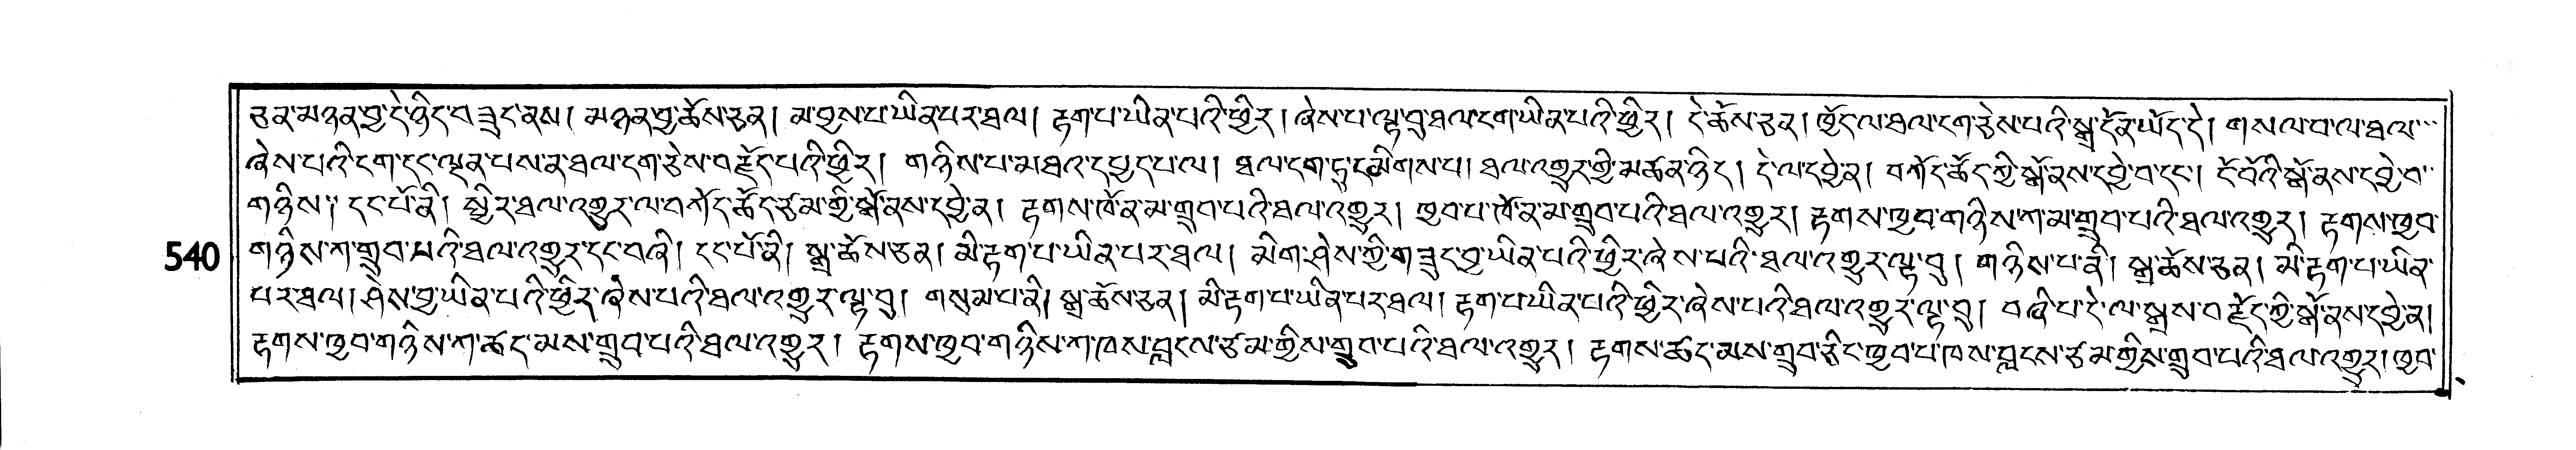ཅན་མཉན་བྱ་དེ་ཉིད་བཟུང་ནས། མཉན་བྱ་ཆོས་ཅན། མ་བྱས་པ་ཡིན་པར་ཐལ། རྟག་པ་ཡིན་པའི་ཕྱིར། ཞེས་པ་ལྟ་བུ་ཐལ་ངག་ཡིན་པའི་ཕྱིར། དེ་ཆོས་ཅན། ཁྱོད་ལ་ཐལ་ངག་ཅེས་པའི་སྒྲ་དོན་ཡོད་དེ། གསལ་བ་ལ་ཐལ་
ཞེས་པའི་ངག་དང་ལྡན་པས་ན་ཐལ་དག་ཅེས་བརྗོད་པའི་ཕྱིར། གཉིས་པ་མཐའ་དཔྱད་པ་ལ། ཐལ་དག་ཏུ་དམིགས་པ། ཐལ་འགྱུར་གྱི་མཚན་ཉིད། དེ་ལ་དབྱེ་ན། བཀོད་ཚོད་ཀྱི་སྒོ་ནས་དབྱེ་བ་དང་། ངོ་བོའི་སྒོ་ནས་དབྱེ་བ་
གཉིས༑ དང་པོ་ནི། སྤྱིར་ཐལ་འགྱུར་ལ་བཀོད་ཚོད་ཙམ་གྱི་སྒོ་ནས་དབྱེ་ན། རྟགས་ཁོ་ན་མ་གྲུབ་པའི་ཐལ་འགྱུར། ཁྱབ་པ་ཁོ་ན་མ་གྲུབ་པའི་ཐལ་འགྱུར། རྟགས་ཁྱབ་གཉིས་ཀ་མ་གྲུབ་པའི་ཐལ་འགྱུར། རྟགས་ཁྱབ་
གཉིས་ཀ་གྲུབ་པའི་ཐལ་འགྱུར་དང་བཞི། དང་པོ་ནི། སྒྲ་ཆོས་ཅན་། མི་རྟག་པ་ཡིན་པར་ཐལ། མིག་ཤེས་ཀྱི་གཟུང་བྱ་ཡིན་པའི་ཕྱིར་ཞེས་པའི་ཐལ་འགྱུར་ལྟ་བུ། གཉིས་པ་ནི། སྒྲ་ཆོས་ཅན། མི་རྟག་པ་ཡིན་
པར་ཐལ། ཤེས་བྱ་ཡིན་པའི་ཕྱིར་ཞེས་པའི་ཐལ་འགྱུར་ལྟ་བུ། གསུམ་པ་ནི། སྒྲ་ཆོས་ཅན། མི་རྟག་པ་ཡིན་པར་ཐལ། རྟག་པ་ཡིན་པའི་ཕྱིར་ཞེས་པའི་ཐལ་འགྱུར་ལྟ་བུ། བཞི་པ་དེ་ལ་སྒྲས་བརྗོད་ཀྱི་སྒོ་ནས་དབྱེ་ན།
རྟགས་ཁྱབ་གཉིས་ཀ་ཚད་མས་གྲུབ་པའི་ཐལ་འགྱུར། རྟགས་ཁྱབ་གཉིས་ཀ་ཁས་བླངས་ཙམ་གྱིས་གྲུབ་པའི་ཐལ་འགྱུར། རྟགས་ཚད་མས་གྲུབ་ཅིང་ཁྱབ་པ་ཁས་བླངས་ཙམ་གྱིས་གྲུབ་པའི་ཐལ་འགྱུར། ཁྱབ་